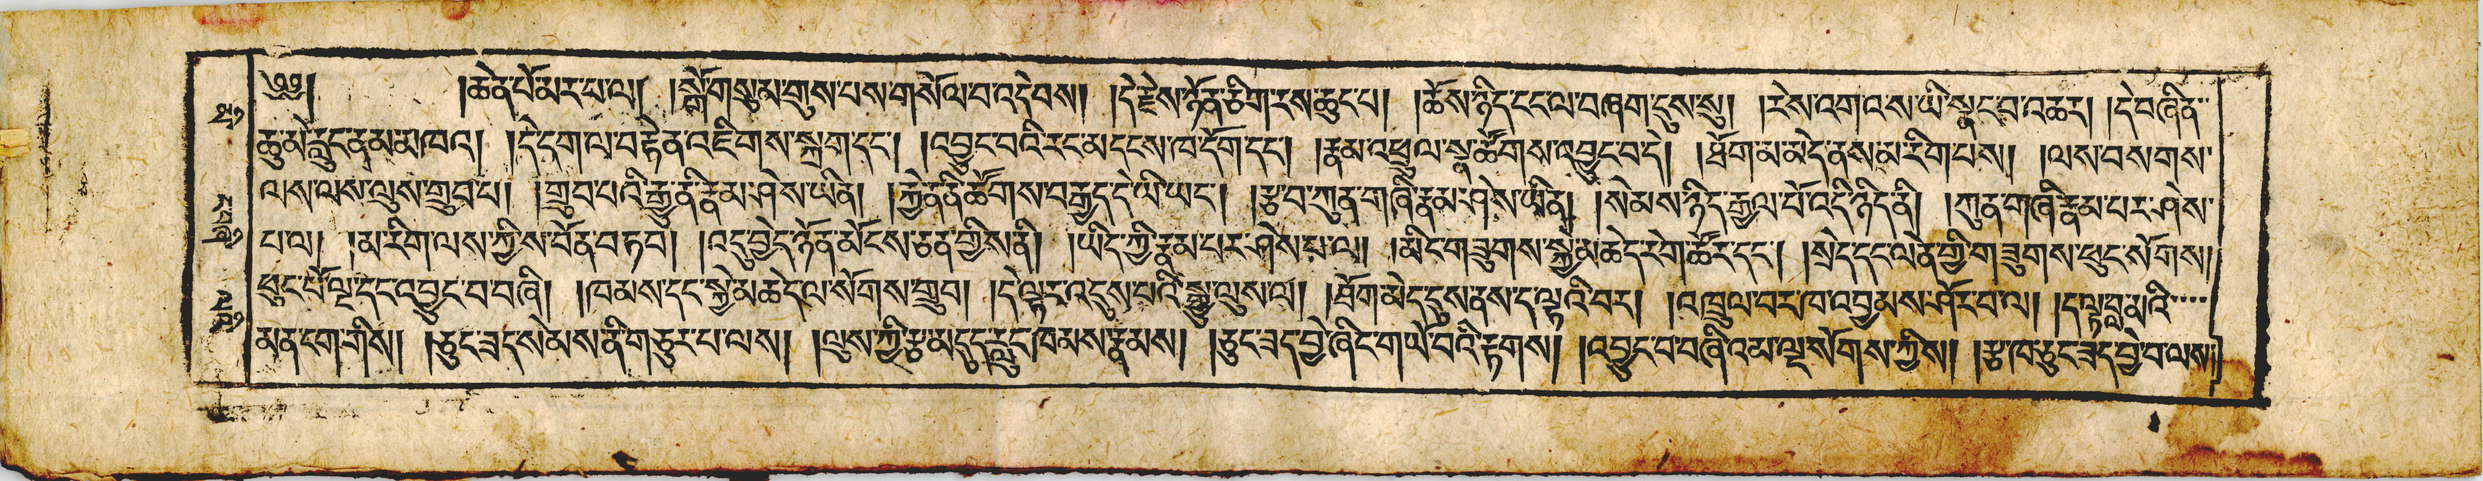ཆེན་པོ མར་པ་ལ། །སྒོ་གསུམ་གུས་པས་གསོལ་བ་འདེབས། །དེ་རྗེས་ཉོན་ཅིག་རས་ཆུང་པ། །ཆོས་ཉིད་ངང་ལ་བཞག་དུས་སུ། །རེས་འགའ་ས་ཡི་སྣང་བ་འཆར། །དེབཞིན་
ཆུ་མེ་རླུང་ནམ་མཁའ། །དེ་དག་ལ་བརྟེན་འཇིགས་སྐྲག་དང་། །འབྱུང་བའི་རང་མདངས་ཁ་དོག་དང་། །རྣམ་འཕྲུལ་སྣ་ཚོགས་འབྱུང་བ་དེ། །ཐོག་མ་མེད་ནས་མ་རིག་པས། །ལས་བསགས་
ལས་ལས་ལུས་གྲུབ་པ། །གྲུབ་པའི་རྒྱུ་ནི་རྣམ་ཤེས་ཡིན། །རྐྱེན་ནི་ཚོགས་བརྒྱད་དེ་ཡི་ཡང་། །རྩ་བ་ཀུན་གཞི་རྣམ་ཤེས་ཡིན། །སེམས་ཉིད་རྒྱལ་པོ་འདི་ཉིད་ནི། །ཀུན་གཞི་རྣམ་པར་ཤེས་
པ་ལ། །མ་རིག་ལས་ཀྱི་ས་བོན་བཏབ། །འདུ་བྱེད་ཉོན་མོངས་ཅན་གྱིས་ནི། །ཡིད་ཀྱི་རྣམ་པར་ཤེས་པ་ལ། །མིང་གཟུགས་སྐྱེ་མཆེད་རེག་ཚོར་དང་། །སྲེད་དང་ལེན་གྱི་གཟུགས་ཕུང་སོགས། །
ཕུང་པོ་ལྔ་དང་འབྱུང་བ་བཞི། །ཁམས་དང་སྐྱེ་མཆེད་ལ་སོགས་གྲུབ། །དེ་ལྟར་འདུས་པའི་སྒྱུ་ལུས་ལ། །ཐོག་མེད་དུས་ནས་ད་ལྟའི་བར། །འཁྲུལ་བར་ཁ་འབྱམས་ཤོར་བ་ལ། །ད་ལྟ་བླ་མའི་
མན་ངག་གིས། །ཅུང་ཟད་སེམས་ནི་གཅུར་པ་ལས། །ལུས་ཀྱི་རྩ་མདུད་རླུང་ཁམས་རྣམས། །ཅུང་ཟད་བྱེ་ཞིང་གཡོ་བའི་རྟགས། །འབྱུང་བ་བཞི་འམ་ལྔ་སོགས་ཀྱིས། །རྩ་ཁ་ཅུང་ཟད་བྱེ་བ་ལས། །